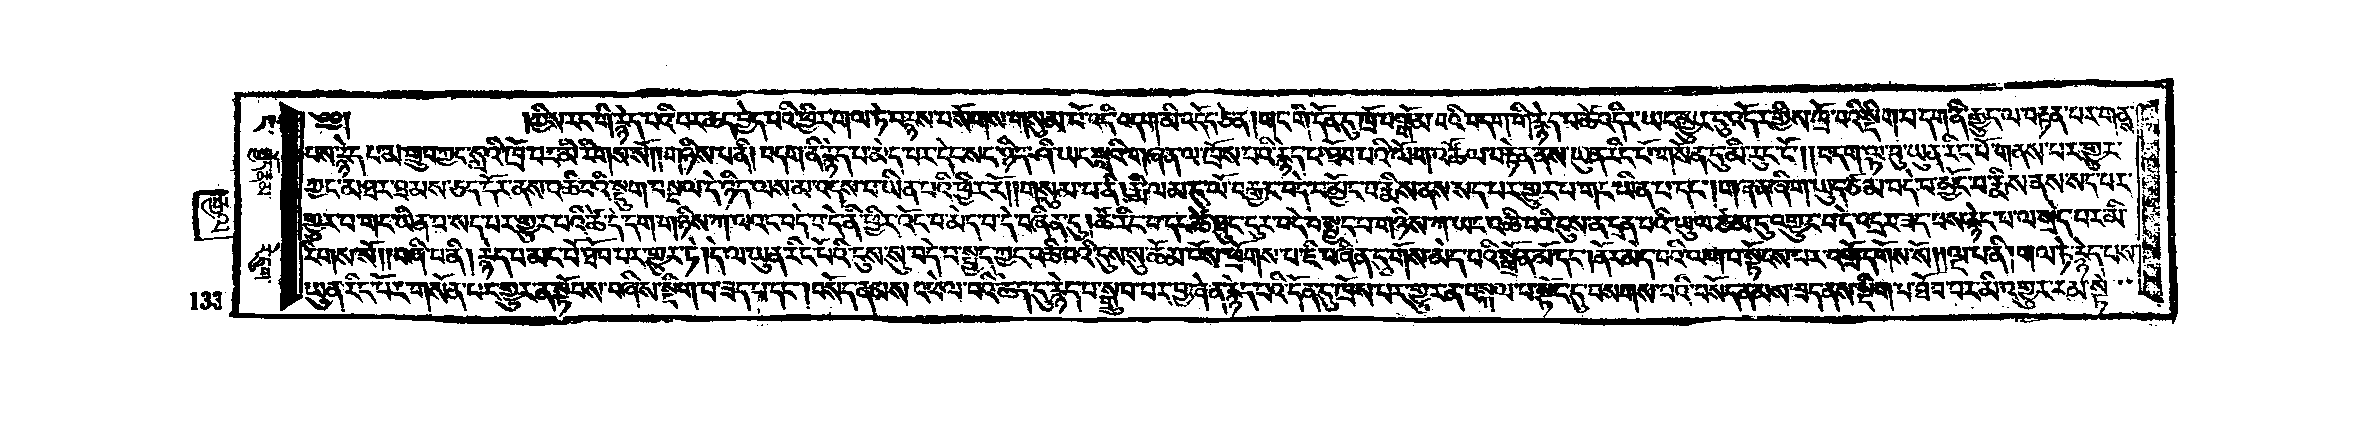༄༅། །ཀྱིས་རང་གི་རྙེད་པའི་བར་ཆད་བྱེད་པའི་ཕྱིར་གལ་ཏེ་བརྙས་པ་སོགས་གསུམ་པོ་འདི་བདག་མི་འདོད་ཅེ་ན། གང་གི་དོན་དུ་ཁྲོ་བ་སྒོམ་པའི་བདག་གི་རྙེད་པ་ཚེ་འདིར་ཡང་མྱུར་དུ་འདོར་གྱིས་ཁྲོ་བའི་སྡིག་པ་དག་ནི་རྒྱུད་ལ་བརྟན་པར་གནས་
པས་རྙེད་པ་མ་གྲུབ་ཀྱང་སླའི་ཁྲོ་བར་མི་རིགས་སོ། །གཉིས་པ་ནི། བདག་ནི་རྙེད་པ་མེད་པར་དེང་སངས་ཉིད་ཤི་ཡང་སླའི་གཞན་ལ་ཁྲོས་པའི་རྙེད་པ་ཐོབ་པའི་ལོག་འཚོལ་བརྟེན་ནས་ཡུན་རིང་པོ་གསོན་དུ་མི་རུང་ངོ། །བདག་ལྟ་བུ་ཡུན་རིང་པོ་གནས་པར་གྱུར་
ཀྱང་མཐར་ཐམས་ཅད་དོར་ནས་འཆི་བའི་སྡུག་བསྔལ་དེ་ཉིད་ལས་མ་འདས་པ་ཡིན་པའི་ཕྱིར་རོ། །གསུམ་པ་ནི། རྨི་ལམ་དུ་ལོ་བརྒྱང་བདེ་བ་མྱོང་བ་རྨིས་ནས་སད་པར་གྱུར་པ་གང་ཡིན་པ་དང་། གཞན་ཞིག་ཡུད་ཙམ་བདེ་བ་མྱོང་བ་རྨིས་ནས་སད་པར་
གྱུར་པ་གང་ཡིན་པ་སད་པར་གྱུར་པའི་ཚེ་དེ་དག་གཉིས་ཀ་ལའང་བདེ་བ་དེ་ནི་ཕྱིར་འོང་བ་མེད་པ་དེ་བཞིན་དུ། ཚེ་རིང་བ་དང་ཚེ་ཐུང་ངུར་བདེ་བ་སྤྱད་པ་གཉིས་ཀ་ཡང་འཆི་བའི་དུས་ན་དྲན་པའི་ཡུལ་ཙམ་དུ་འགྱུར་བ་དེ་འདྲར་ཟད་པས་རྙེད་པ་ལ་སྲེད་པར་མི་
རིགས་སོ། །བཞི་པ་ནི། རྙེད་པ་མང་པོ་ཐོབ་པར་གྱུར་ཏེ། དེ་ལ་ཡུན་རིང་པོའི་དུས་སུ་བདེ་བ་སྤྱད་ཀྱང་འཆི་བའི་དུས་སུ་ཆོམ་པོས་ཕྲོགས་པ་ཇི་བཞིན་དུ་གོས་མེད་པའི་སྒྲོན་མོ་དང་། ནོར་མེད་པའི་ལག་པ་སྟོངས་པར་འགྲོ་དགོས་སོ། །ལྔ་པ་ནི། གལ་ཏེ་རྙེད་པས་
ཡུན་རིང་པོར་གསོན་པར་གྱུར་ན་སྟོབས་བཞིས་སྡིག་པ་ཟད་པ་དང་། བསོད་ནམས་འཕེལ་བའི་ཆེད་དུ་རྙེད་པ་སྒྲུབ་པར་བྱ་ཞེ་ན་རྙེད་པའི་དོན་དུ་ཁྲོས་པར་གྱུར་ན་བསྐལ་པ་སྟོང་དུ་བསགས་པའི་བསོད་ནམས་ཟད་ནས་སྡིག་པ་ཐོབ་པར་མི་འགྱུར་རམ་སྟེ་